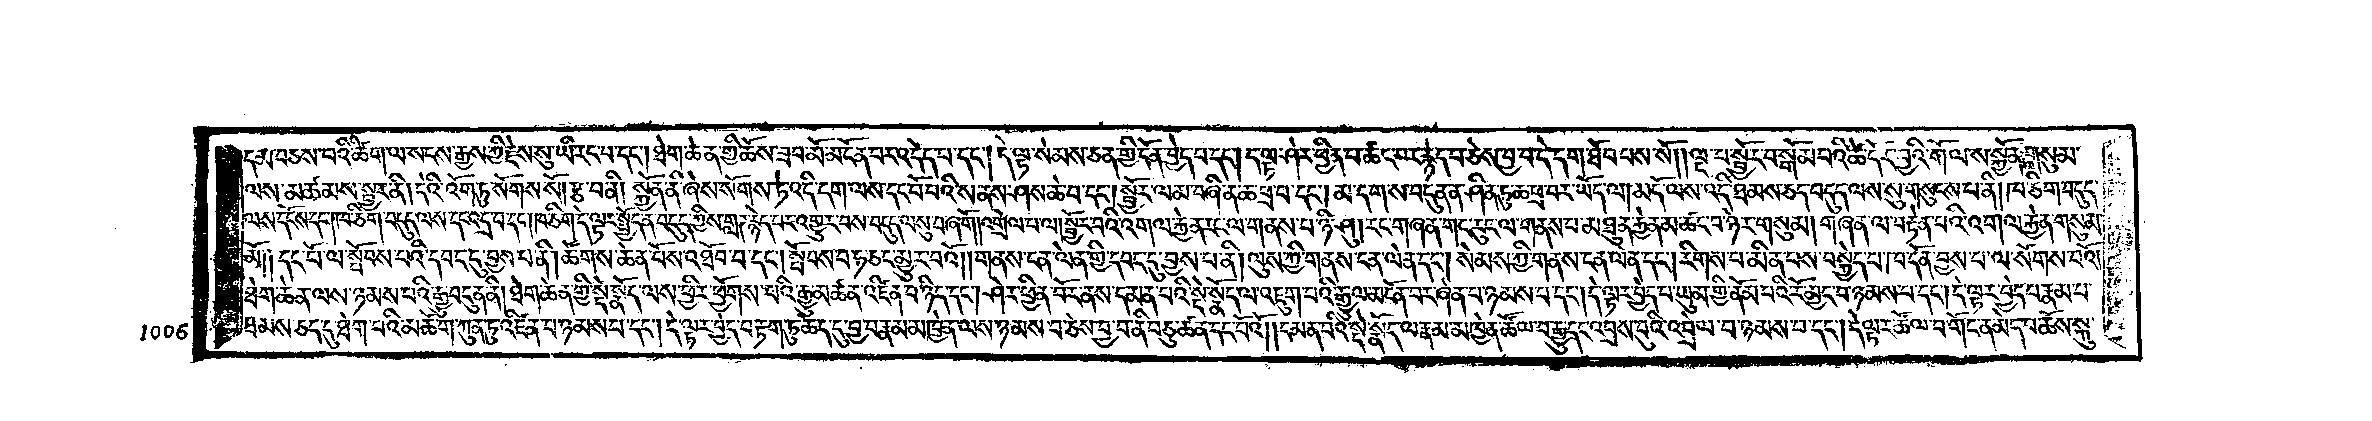དམ་བཅས་པའི་ཚིག་ལ་སངས་རྒྱས་ཀྱི་རྗེས་སུ་ཡི་རང་བ་དང་། ཐེག་ཆེན་གྱི་ཆོས་ཟབ་མོ་མངོན་པར་འདོད་པ་དང་། དེ་ལྟ་སེམས་ཅན་གྱི་དོན་བྱེད་པ་དང་། ད་ལྟ་ཤེར་ཕྱིན་པ་ཚང་བར་རྙེད་པ་ཅེས་བྱ་བ་དེ་དག་ཐོབ་པས་སོ། །ལྔ་པ་སྦྱོར་བ་སྒོམ་པའི་ཚེ་དོར་བྱའི་གོལ་ས་སྐྱོན་གསུམ་
ལས་མཚམས་སྦྱར་ནི། དེའི་འོག་ཏུ་སོགས་སོ། རྩ་བ་ནི། སྐྱོན་ནི་ཞེས་སོགས་ཏེ་འདི་དག་ལས་དང་པོ་བའི་ས་ནས་ཤས་ཆེ་བ་དང་། སྦྱོར་ལམ་བཞི་ན་ཆ་ཕྲ་བ་དང་། མ་དག་ས་བདུན་ན་ཤིན་ཏུ་ཆ་ཕྲ་བར་ཡོད་ལ། མདོ་ལས་འདི་ཐམས་ཅད་བདུད་ལས་སུ་གསུངས་པ་ནི། ཁ་ཅིག་བདུད་
ལས་དངོས་དང་། ཁ་ཅིག་བདུད་ལས་དང་འདྲ་བ་དང་། ཁ་ཅིག་དེ་ལྟར་སྤྱོད་ན་བདུད་ཀྱིས་གླགས་རྙེད་པར་འགྱུར་བས་བདུད་ལས་སུ་བཞག་གོ །འགྲེལ་པ་ལ། སྦྱོར་བའི་འགལ་རྐྱེན་རང་ལ་གནས་པ་ཉི་ཤུ། རང་གཞན་གང་རུང་ལ་གནས་པ་མཐུན་རྐྱེན་མ་ཚང་བ་ཉེ་གསུམ། གཞན་ལ་བརྟེན་པའི་འགལ་རྙེན་གསུམ་
མོ༑ ༑དང་པོ་ལ་སྤོབས་པའི་དབང་དུ་བྱས་པ་ནི། ཚོགས་ཆེན་པོས་འཐོབ་པ་དང་། སྤོབས་པ་ཧ་ཅང་མྱུར་བའོ། །གནས་ངན་ལེན་གྱི་དབང་དུ་བྱས་པ་ནི། ལུས་ཀྱི་གནས་ངན་ལེན་དང་། སེམས་ཀྱི་གནས་ངན་ལེན་དང་། རིགས་པ་མིན་པས་བསྐྱེད་པ་ཁ་དོན་བྱས་པ་ལ་སོགས་པའོ།
ཐེག་ཆེན་ལས་ཉམས་པའི་རྒྱུ་བདུན་ནི། ཐེག་ཆེན་གྱི་སྡེ་སྣོད་ལས་ཕྱིར་ཕྱོགས་པའི་རྒྱུ་མཚན་འཛིན་པ་ཉིད་དང་། ཤེར་ཕྱིན་པོར་ནས་དམན་པའི་སྡེ་སྣོད་ལ་འཇུག་པའི་རྒྱུ་ལ་མངོན་པར་ཞེན་པ་ཉམས་པ་དང་། དེ་ལྟར་བྱེད་པ་ཡུམ་གྱི་ནོམ་པའི་རོ་མྱང་བ་ཉམས་པ་དང་། དེ་ལྟར་བྱེད་པ་རྣམ་པ་
ཐམས་ཅད་དུ་ཐེག་པའི་མཆོག་ཀུན་ཏུ་འཛིན་པ་ཉམས་པ་དང་། དེ་ལྟར་བྱེད་བ་རྟག་ཏུ་ཆེད་དུ་བྱ་བ་རྣམ་མཁྱེན་ལས་ཉམས་པ་ཅེས་བྱ་བ་ནི་བཅུ་ཚན་དང་པོའོ། །དམན་པའི་སྡེ་སྣོད་ལ་རྣམ་མཁྱེན་ཚོལ་བ་རྒྱུ་དང་འབྲས་བུའི་འབྲེལ་བ་ཉམས་པ་དང་། དེ་ལྟར་ཚོལ་བ་གོང་ན་མེད་པ་ཆོས་སྐུ་